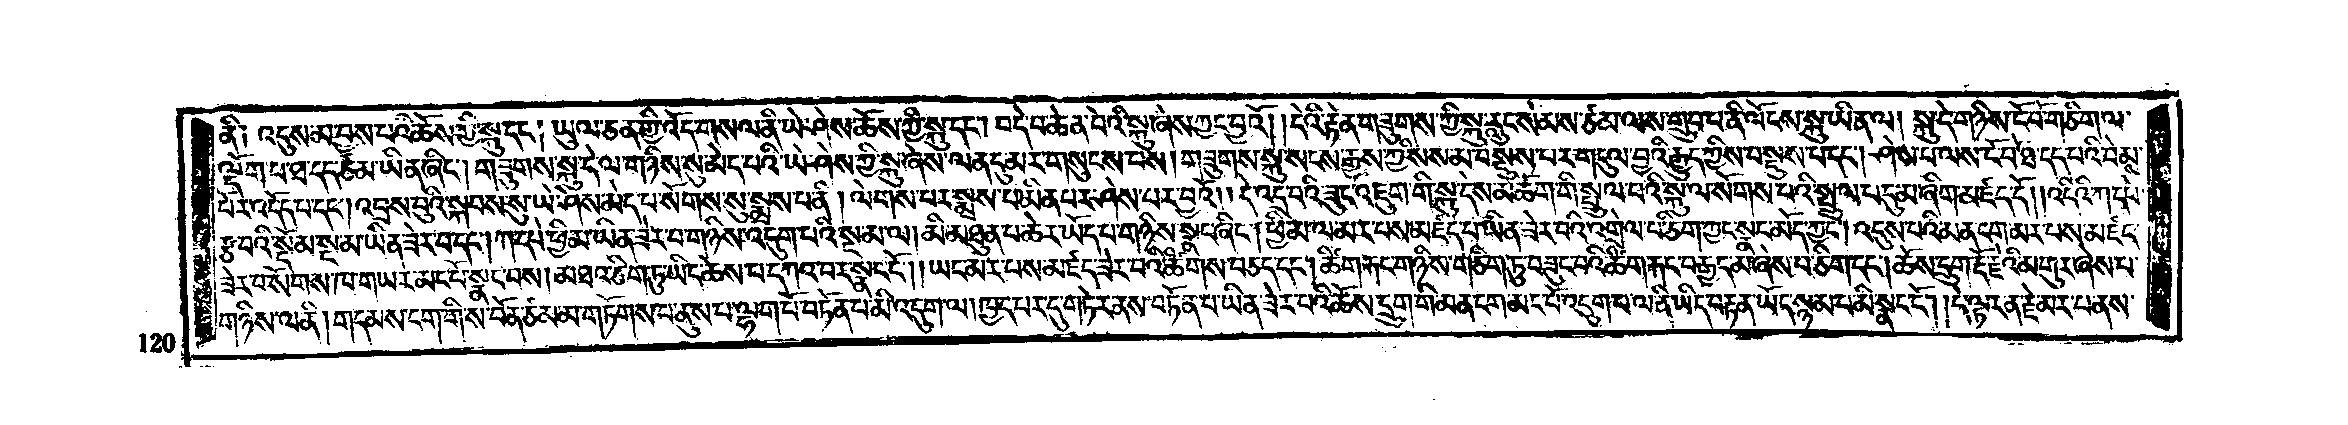ནི། འདུས་མ་བྱས་པའི་ཆོས་ཀྱི་སྐུ་དང་། ཡུལ་ཅན་གྱི་འོད་གསལ་ནི་ཡེ་ཤེས་ཆོས་ཀྱི་སྐུ་དང་། བདེ་བ་ཆེན་པོའི་སྐུ་ཞེས་ཀྱང་བྱའོ། །དེའི་རྟེན་གཟུགས་ཀྱི་སྐུ་རླུང་སེམས་ཙམ་ལས་གྲུབ་པ་ནི་ལོངས་སྐུ་ཡིན་ལ། སྐུ་དེ་གཉིས་ངོ་བོ་གཅིག་ལ་
ལྡོག་པ་ཐ་དད་ཙམ་ཡིན་ཞིང་། གཟུགས་སྐུ་དེ་ལ་གཉིས་སུ་མེད་པའི་ཡེ་ཤེས་ཀྱི་སྐུ་ཞེས་ལན་དུ་མར་གསུངས་པས། གཟུགས་སྐུ་སངས་རྒྱས་ཀྱི་སས་མ་བསྡུས་པར་གདུལ་བྱའི་རྒྱུད་ཀྱིས་བསྡུས་པ་དང་། ཤེས་པ་ལས་ངོ་བོ་ཐ་དད་པའི་བེམས་
པོར་འདོད་པ་དང་། འབྲས་བུའི་སྐབས་སུ་ཡེ་ཤེས་མེད་པ་སོགས་སུ་སྨྲས་པ་ནི། ལེགས་པར་སྨྲས་པ་མིན་པར་ཤེས་པར་བྱའོ། །དེ་འདྲ་བའི་ཟུང་འཇུག་གི་སྐུ་དེས་མཆོག་གི་སྤྲུལ་པའི་སྐུ་ལ་སོགས་པའི་སྤྲུལ་པ་དུ་མ་ཞིག་མཛད་དོ། །འདིའི་ཀ་དཔེ་
རྩ་བའི་སྡོམ་སྔ་མ་ཡིན་ཟེར་བ་དང་། ཀ་དཔེ་ཕྱི་མ་ཡིན་ཟེར་བ་གཉིས་འདུག་པའི་སྔ་མ་ལ། མི་མཐུན་པ་ཆེར་ཡོད་པ་གཉིས་སྣང་ཞིང་། ཕྱི་མ་ལ་མར་པས་མཛད་པ་ཡིན་ཟེར་བའི་འགྲེལ་པ་ཅིག་ཀྱང་སྣང་མོད་ཀྱང་། འདུས་པའི་མན་ངག་མར་པས་མཛད་
ཟེར་བ་སོགས་ཁ་གཡར་མང་པོ་སྣང་བས། མཐའ་ཅིག་ཏུ་ཡིད་ཆེས་པ་དཀའ་བར་སྣང་ངོ། །ཡང་མར་པས་མཛད་ཟེར་བའི་ཚིགས་བཅད་དང་། ཚིག་རྐང་གཉིས་གཅིག་ཏུ་བཟུང་བའི་ཚིག་རྐང་བརྒྱད་མ་ཞེས་པ་ཅིག་དང་། ཆོས་དྲུག་རྡོ་རྗེའི་མགུར་ཞེས་པ་
གཉིས་ལ་ནི། གདམས་ངག་གི་ས་བོན་ཙམ་མ་གཏོགས་པ་ནུས་པ་ལྷག་པོ་བཏོན་པ་མི་འདུག་ལ། ཁྱད་པར་དུ་གཏེར་ནས་བཏོན་པ་ཡིན་ཟེར་པའི་ཆོས་དྲུག་གི་མན་ངག་མང་པོ་འདུག་པ་ལ་ནི་ཡིད་བརྟན་ཡོད་སྙམ་པ་མི་སྣང་ངོ། །དེ་ལྟར་ན་རྗེ་མར་པ་ནས་